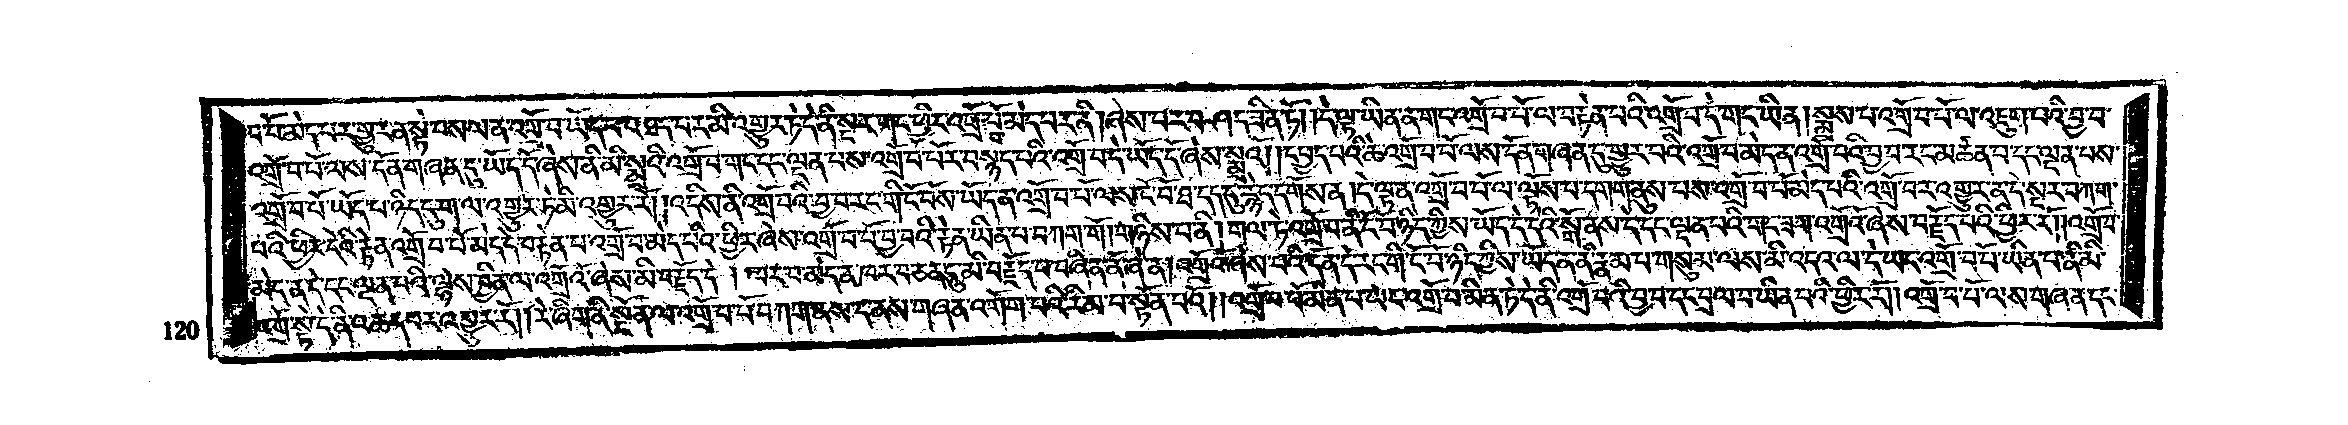བ་པོ་མེད་པར་གྱུར་ན་སྟེ་བསལ་ན་འགྲོ་བ་ཡོད་པ་འཐད་པར་མི་འགྱུར་ཏེ་དེ་ནི་སྔར་གང་ཕྱིར་འགྲོ་བ་པོ་མེད་པར་ནི། ཞས་པར་བཤད་ཟིན་ཏོ། །དེ་ལྟ་ཡིན་ན་གང་འགྲོ་བ་པོ་ལ་བརྟེན་པའི་འགྲོ་བ་དེ་གང་ཡིན། སྨྲས་པ་འགྲོ་བ་པོ་ལ་འཇུག་པའི་བྱ་བ་
འགྲོ་བ་པོ་ལས་དོན་གཞན་དུ་ཡོད་དེ་ཞེས་ནི་མི་སྨྲའི་འགྲོ་བ་གང་དང་ལྡན་པས་འགྲོ་བ་པོར་བསྙད་པའི་འགྲོ་བ་དེ་ཡོད་དོ་ཞེས་སྨྲའོ། །དཔྱད་པའི་ཆེ་འགྲོ་བ་པོ་ལས་དོན་གཞན་དུ་གྱུར་པའི་འགྲོ་བ་མེད་ན་འགྲོ་བའི་བྱ་བ་རང་མཚན་པ་དང་ལྡན་པས་
འགྲོ་བ་པོ་ཡོད་པ་ཉིད་དུ་ག་ལ་འགྱུར་ཏེ་མི་འགྱུར་རོ། །འདིས་ནི་འགྲོ་བའི་བྱ་བ་རང་གི་ངོ་བོས་ཡོད་ན་འགྲོ་བ་པོ་ལས་ངོ་བོ་ཐ་དད་དུ་རྙེད་དགོས་ན། དེ་ལྟ་ན་འགྲོ་བ་པོ་ལ་ལྟོས་པ་དགག་ནུས་པས་འགྲོ་བ་པོ་མེད་པའི་འགྲོ་བར་འགྱུར་ན་དེ་ལྟར་བཀག་
པའི་ཕྱིར་དེའི་རྟེན་འགྲོ་བ་པོ་མེད་དེ་བརྟེན་པ་འགྲོ་བ་མེད་པའི་ཕྱིར་ཞེས་འགྲོ་བ་པོ་བྱ་བའི་རྟེན་ཡིན་པ་བཀག་གོ། གཉིས་པ་ནི། གལ་ཏེ་འགྲོ་བ་ནི་ངོ་བོ་ཉིད་ཀྱིས་ཡོད་དེ་དེའི་སྒོ་ནས་དེ་དང་ལྡན་པའི་གང་ཟག་འགྲོའོ་ཞེས་བརྗོད་པའི་ཕྱིར་རོ། །འགྲོ་བ་
མེད་ན་དེ་དང་ལྡན་པའི་ལྷས་བྱིན་ལ་འགྲོའོ་ཞེས་མི་བརྗོད་དེ། ཁར་བ་མེད་ན་ཁར་བ་ཅན་དུ་མི་བརྗོད་པ་བཞིན་ནོ་ཞེ་ན། འགྲོའོ་ཞེས་པའི་དོན་དེ་རང་གི་ངོ་བོ་ཉིད་ཀྱིས་ཡོད་ན་ནི་རྣམ་པ་གསུམ་ལས་མི་འདའ་ལ་དེ་ཡང་འགྲོ་བ་པོ་ཡིན་པ་ནི་མི་
འགྲོ་སྟེ་དེ་ནི་འཆད་པར་འགྱུར་རོ། །རེ་ཞིག་ནི་སྔོན་ལ་འགྲོ་བ་པོ་བཀག་ནས་དེ་ནས་གཞན་འགོག་པའི་རིམ་པ་སྟོན་པའོ། །འགྲོ་བ་པོ་མིན་པ་ཡང་འགྲོ་བ་མིན་ཏེ་དེ་ནི་འགྲོ་བའི་བྱ་བ་དང་བྲལ་བ་ཡིན་པའི་ཕྱིར་རོ། །འགྲོ་བ་པོ་ལས་གཞན་དང་